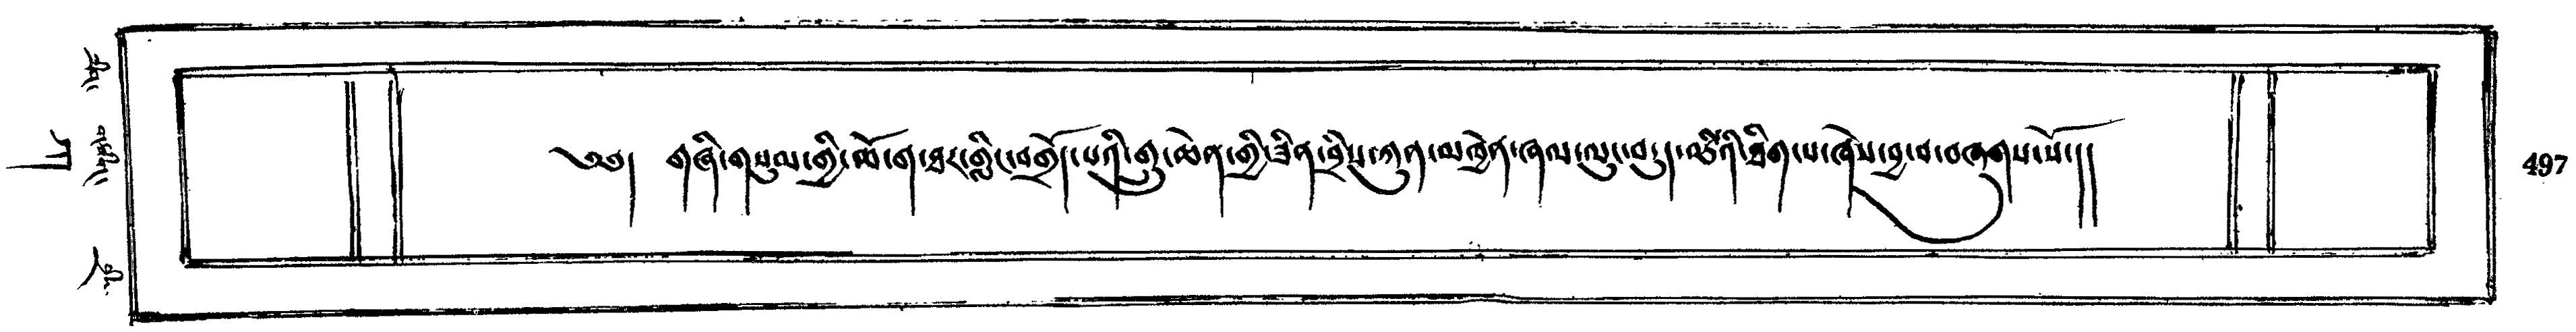གཞི་གསུམ་གྱི་ཆོ་ག་ཐར་གླིང་བགྲོད་པའི་གྲུ་ཆེན་གྱི་ཟིན་བྲིས་ཀུན་མཁྱེན་ཞལ་ལུང་བདུད་རྩིའི་ཐིགས་པ་ཞེས་བྱ་བ་བཞུགས་སོ།།